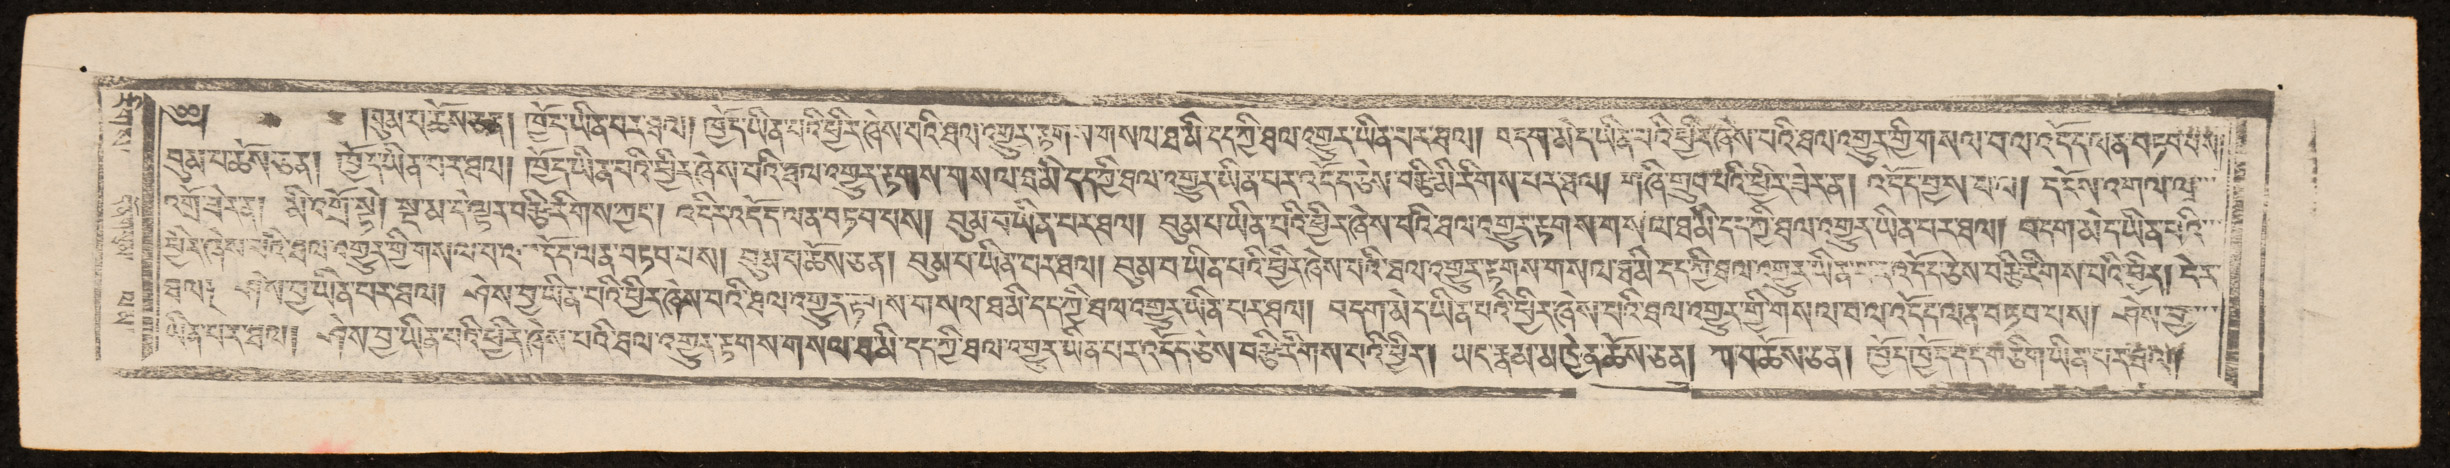༄༅། །བུམ་པ་ཆོས་ཅན། ཁྱོད་ཡིན་པར་ཐལ། ཁྱོད་ཡིན་པའི་ཕྱིར་ཞེས་པའི་ཐལ་འགྱུར་རྟགས་གསལ་ཐ་མི་དད་ཀྱི་ཐལ་འགྱུར་ཡིན་པར་ཐལ། བདག་མེད་ཡིན་པའི་ཕྱིར་ཞེས་པའི་ཐལ་འགྱུར་གྱི་གསལ་བ་ལ་འདོད་ལན་བཏབ་པས།
བུམ་པ་ཆོས་ཅན། ཁྱོད་ཡིན་པར་ཐལ། ཁྱོད་ཡིན་པའི་ཕྱིར་ཞེས་པའི་ཐལ་འགྱུར་རྟགས་གསལ་ཐ་མི་དད་ཀྱི་ཐལ་འགྱུར་ཡིན་པར་འདོད་ཅེས་བརྩི་མི་རིགས་པར་ཐལ། གཞི་གྲུབ་པའི་ཕྱིར་ཟེར་ན། འདོད་བྱས་པ་ལ། དངོས་འགལ་ལ་
འགྲོ་ཟེར་ན། མི་འགྲོ་སྟེ། སྔ་མ་དེ་ལྟར་བརྩི་རིགས་ཀྱང་། འདིར་འདོད་ལན་བཏབ་པས། བུམ་པ་ཡིན་པར་ཐལ། བུམ་པ་ཡིན་པའི་ཕྱིར་ཞེས་པའི་ཐལ་འགྱུར་རྟགས་གསལ་ཐ་མི་དད་ཀྱི་ཐལ་འགྱུར་ཡིན་པར་ཐལ། བདག་མེད་ཡིན་པའི་
ཕྱིར་ཞེས་པའི་ཐལ་འགྱུར་གྱི་གསལ་བ་ལ་འདོད་ལན་བཏབ་པས། བུམ་པ་ཆོས་ཅན། བུམ་པ་ཡིན་པར་ཐལ། བུམ་པ་ཡིན་པའི་ཕྱིར་ཞེས་པའི་ཐལ་འགྱུར་རྟགས་གསལ་ཐ་མི་དད་ཀྱི་ཐལ་འགྱུར་ཡིན་པར་འདོད་ཅེས་བརྩི་རིགས་པའི་ཕྱིར། དེར་
ཐལ། ཤེས་བྱ་ཡིན་པར་ཐལ། ཤེས་བྱ་ཡིན་པའི་ཕྱིར་ཞེས་པའི་ཐལ་འགྱུར་རྟགས་གསལ་ཐ་མི་དད་ཀྱི་ཐལ་འགྱུར་ཡིན་པར་ཐལ། བདག་མེད་ཡིན་པའི་ཕྱིར་ཞེས་པའི་ཐལ་འགྱུར་གྱི་གསལ་བ་ལ་འདོད་ལན་བཏབ་པས། ཤེས་བྱ་
ཡིན་པར་ཐལ། ཤེས་བྱ་ཡིན་པའི་ཕྱིར་ཞེས་པའི་ཐལ་འགྱུར་རྟགས་གསལ་ཐ་མི་དད་ཀྱི་ཐལ་འགྱུར་ཡིན་པར་འདོད་ཅེས་བརྩི་རིགས་པའི་ཕྱིར། ཡང་རྣམ་མཁྱེན་ཆོས་ཅན། ཀ་བ་ཆོས་ཅན། ཁྱོད་ཁྱོད་དང་གཅིག་ཡིན་པར་ཐལ།